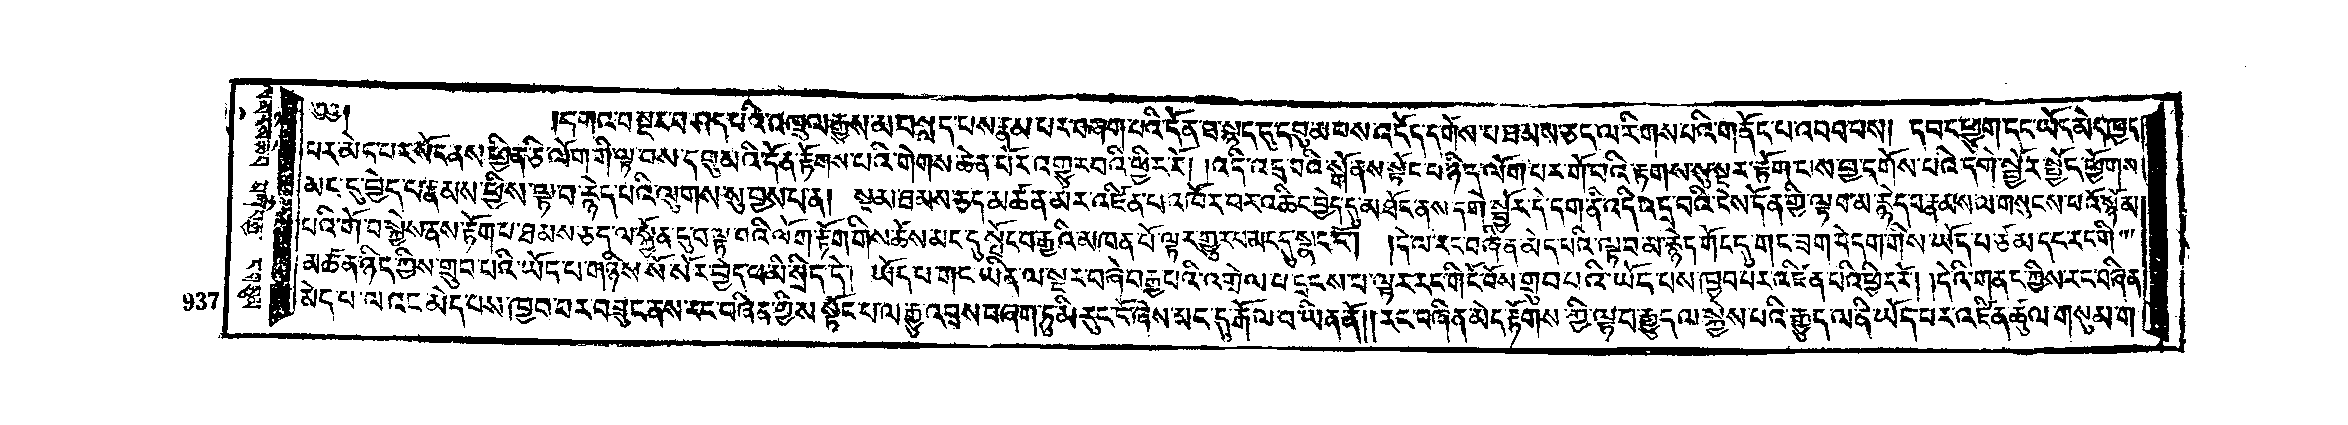༄༅། །དགའ་བ་སྔར་བཤད་པའི་འཁྲུལ་རྒྱུས་མ་བསླད་པས་རྣམ་པར་བཞག་པའི་དོན་ཐ་སྙད་དུ་དབུ་མ་པས་འདོད་དགོས་པ་ཐམས་ཅད་ལ་རིགས་པའི་གནོད་པ་འབབ་པས། དབང་ཕྱུག་དང་ཡོད་མེད་ཁྱད་
པར་མེད་པར་སོང་ནས་ཕྱིན་ཅི་ལོག་གི་ལྟ་བས་དབུ་མའི་དོན་རྟོགས་པའི་གེགས་ཆེན་པོར་འགྱུར་བའི་ཕྱིར་རོ། །འདི་འདྲ་བའི་སྒོ་ནས་སྟོང་པ་ཉིད་ལོག་པར་གོ་བའི་རྟགས་སུ་སྔར་རྟོག་པས་བྱ་དགོས་པའི་དགེ་སྦྱོར་སྤྱོད་ཕྱོགས་
མང་དུ་བྱེད་པ་རྣམས་ཕྱིས་ལྟ་བ་རྙེད་པའི་ལུགས་སུ་བྱས་པ་ན། སྔ་མ་ཐམས་ཅད་མཚན་མར་འཛིན་པ་འཁོར་བར་འཆིང་བྱེད་དུ་མཐོང་ནས་དགེ་སྦྱོར་དེ་དག་ནི་འདི་འདྲ་བའི་ངེས་དོན་གྱི་ལྟ་བ་མ་རྙེད་པ་རྣམས་ལ་གསུངས་པའོ་སྙམ་
པའི་གོ་བ་སྐྱེས་ནས་རྟོག་པ་ཐམས་ཅད་ལ་སྐྱོན་དུ་བལྟ་བའི་ལོག་རྟོག་གིས་ཆོས་མང་དུ་སྤོང་བ་རྒྱའི་མཁན་པོ་ལྟར་གྱུར་པ་མང་དུ་སྣང་ངོ། །དེ་ལ་རང་བཞིན་མེད་པའི་ལྟ་བ་མ་རྙེད་གོང་དུ་གང་ཟག་དེ་དག་གིས་ཡོད་པ་ཙམ་དང་རང་གི་
མཚན་ཉིད་ཀྱིས་གྲུབ་པའི་ཡོད་པ་གཉིས་སོ་སོར་ཕྱེད་པ་མི་སྲིད་དེ། ཡོད་པ་གང་ཡིན་ལ་སྔར་བཞི་བརྒྱ་པའི་འགྲེལ་པ་དྲངས་པ་ལྟར་རང་གི་ངོ་བོས་གྲུབ་པའི་ཡོད་པས་ཁྱབ་པར་འཛིན་པའི་ཕྱིར་རོ། །དེའི་གནད་ཀྱིས་རང་བཞིན་
མེད་པ་ལའང་མེད་པས་ཁྱབ་པར་བཟུང་ནས་རང་བཞིན་གྱིས་སྟོང་པ་ལ་རྒྱུ་འབྲས་བཞག་ཏུ་མི་རུང་ངོ་ཞེས་མང་དུ་རྒོལ་བ་ཡིན་ནོ། །རང་བཞིན་མེད་རྟོགས་ཀྱི་ལྟ་བ་རྒྱུད་ལ་སྐྱེས་པའི་རྒྱུད་ལ་ནི་ཡོད་པར་འཛིན་ཚུལ་གསུམ་ག་